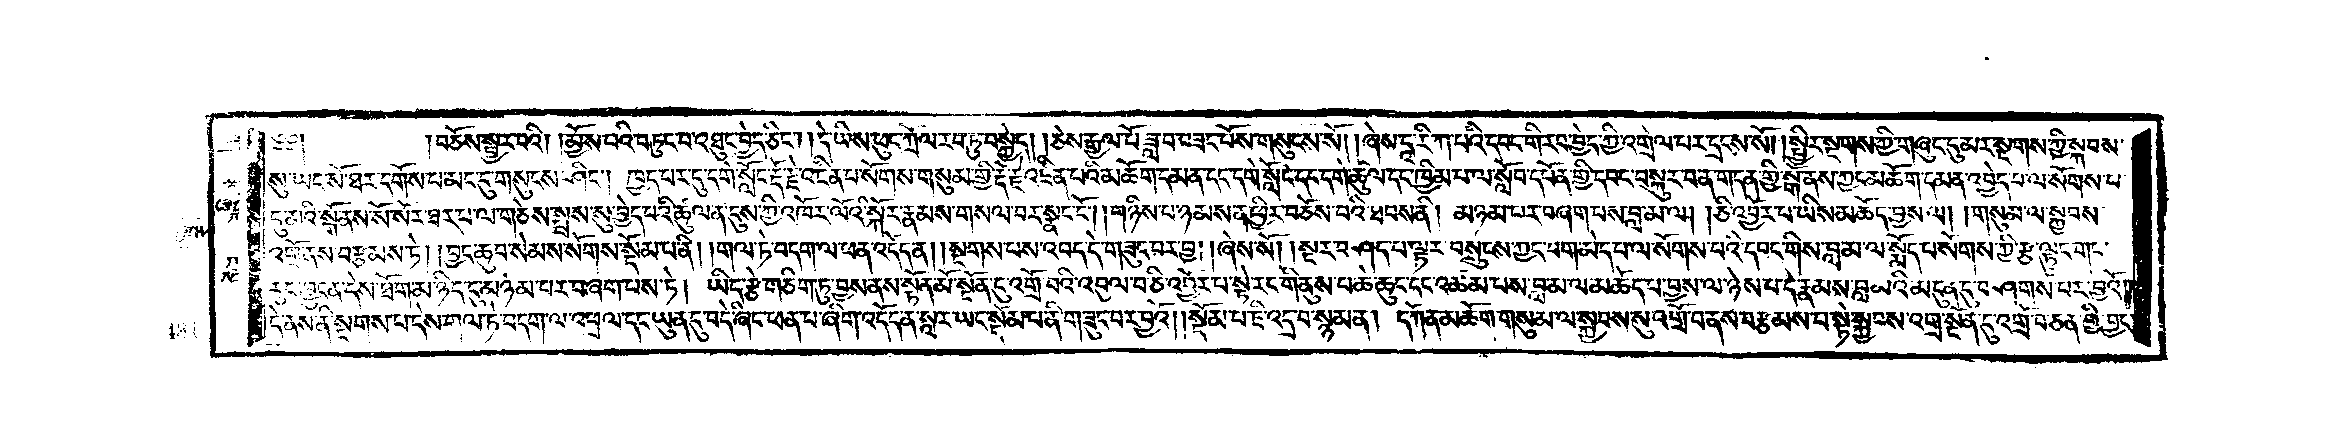༄༅། །བཅོས་སྦྱར་བའི། །མྱོས་པའི་བཏུང་བ་འཐུང་བྱེད་ཅིང་། །དེ་ཡིས་ཕུང་ཀྲོལ་རབ་ཏུ་བསྐྱེད། །ཅེས་རྒྱལ་པོ་ཟླ་བ་བཟང་པོས་གསུངས་སོ། །ཞེས་དཱ་རི་ཀ་པའི་དབང་གི་རབ་བྱེད་ཀྱི་འགྲེལ་པར་དྲངས་སོ། །སྤྱིར་སྔགས་ཀྱི་གཞུང་དུ་མར་སྔགས་ཀྱི་སྐབས་
སུ་ཡང་སོ་ཐར་དགོད་པ་མང་དུ་གསུངས་ཤིང་། ཁྱད་པར་དུ་དགེ་སློང་རྡོ་རྗེ་འཛིན་པ་སོགས་གསུམ་གྱི་རྡོ་རྗེ་འཛིན་པའི་མཆོག་དམན་དང་དགེ་སློང་དང་དགེ་ཚུལ་དང་ཁྱིམ་པ་ལ་སློབ་དཔོན་གྱི་དབང་བསྐུར་བ་ན་གདན་གྱི་སྒོ་ནས་ཀྱང་མཆོག་དམན་འབྱེད་པ་ལ་སོགས་པ་
དུ་མའི་སྒོ་ནས་སོ་སོར་ཐར་པ་ལ་གཅེས་སྤྲས་སུ་བྱེད་པའི་ཚུལ་ན་དུས་ཀྱི་འཁོར་ལོའི་སྐོར་རྣམས་གསལ་བར་སྣང་ངོ། །གཉིས་པ་ཉམས་ན་ཕྱིར་བཅོས་པའི་ཐབས་ནི། མཉམ་པར་བཞག་པས་བླ་མ་ལ། །ཅི་འབྱོར་པ་ཡིས་མཆོད་བྱས་ལ། །གསུམ་ལ་སྐྱབས་
འགྲོ་ནས་བརྩམས་ཏེ། །བྱང་ཆུབ་སེམས་སོགས་སྡོམ་པ་ནི། །གལ་ཏེ་བདག་ལ་ཕན་འདོད་ན། །སྔགས་པས་འབད་དེ་གཟུང་བར་བྱ། །ཞེས་སོ། །སྔར་བཤད་པ་ལྟར་བསྲུངས་ཀྱང་པག་མེད་པ་ལ་སོགས་པའི་དབང་གིས་བླ་མ་ལ་སྨོད་པ་སོགས་ཀྱི་རྩ་ལྟུང་གང་
རུང་བྱུང་ན་དེས་ཐོག་མ་ཉིད་དུ་མཉམ་པར་བཞག་པས་ཏེ། ཡིད་རྩེ་གཅིག་ཏུ་བྱས་ནས་སྟོན་མོ་སྔོན་དུ་འགྲོ་བའི་འབུལ་བ་ཅི་འབྱོར་པ་སྟེ་རང་གི་ནུས་པ་ཆེ་ཆུང་དང་འཚམ་པས་བླ་མ་ལ་མཆོད་པ་བྱས་ལ་ཉེས་པ་དེ་རྣམས་བླ་མའི་མདུན་དུ་བཤགས་པར་བྱའོ།།
དེ་ནས་ནི་སྔགས་པ་དེས་གལ་ཏེ་བདག་ལ་འཕྲལ་དང་ཡུན་དུ་བདེ་ཞིང་ཕན་པ་ཞིག་འདོད་ན་སླར་ཡང་སྡོམ་པ་ནི་གཟུང་བར་བྱའོ། །སྡོམ་པ་ཇི་འདྲ་བ་སྙམ་ན། དཀོན་མཆོག་གསུམ་ལ་སྐྱབས་སུ་འགྲོ་བ་ནས་བརྩམས་པ་སྟེ་སྐྱབས་འགྲ་སྔོན་དུ་འགྲོ་བ་ཅན་གྱི་བྱང་